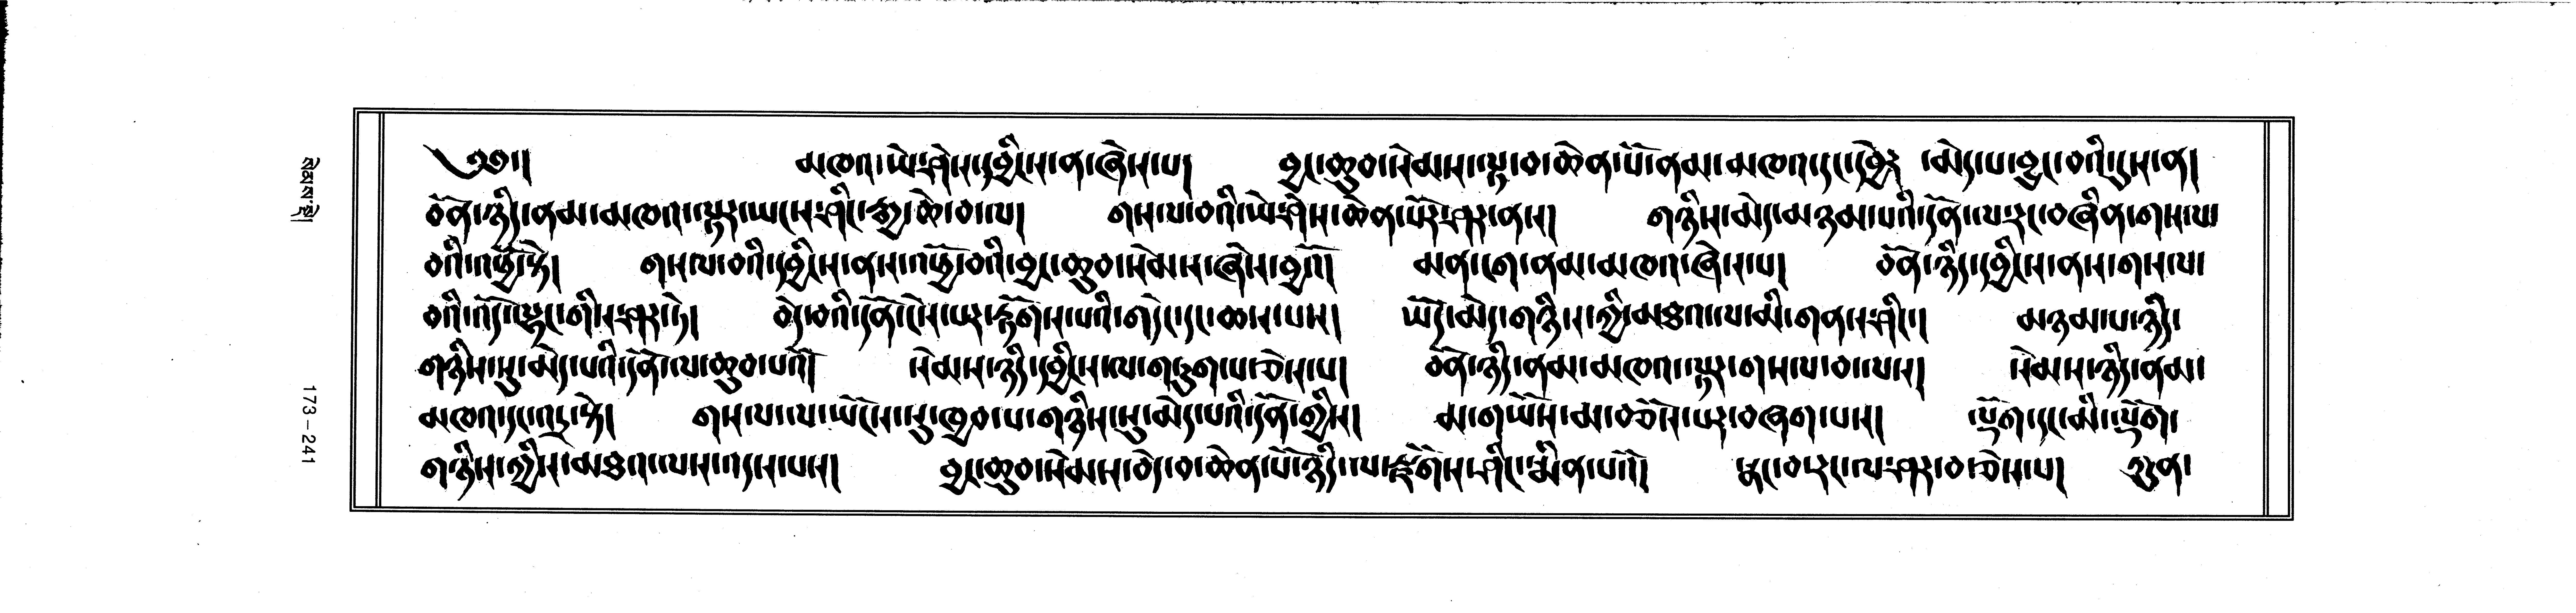མཁའ་ཡེ་ཤེས་དབྱིངས་ན་ཞེས་པ། བྱང་ཆུབ་སེམས་ལྟ་བ་ཆེན་པོ་ནམ་མཁའ་དང་དབྱེར་མེད་པ་བྱུང་བའི་དུས་ན་
བོན་ཉིད་ནམ་མཁའ་ལྟར་ཡངས་ཤིང་རྒྱ་ཆེ་བ་ལ། གསལ་བའི་ཡེ་ཤེས་ཆེན་པོ་ཤར་ནས། གཉིས་མེད་མཉམ་པའི་དོན་ལ་རང་བཞིན་གསལ་
བའི་འཕྱོ་སྟེ། གསལ་བའི་དབྱིངས་ན་འཕྱོ་བའི་བྱང་ཆུབ་སེམས་ཞེས་བྱའོ། །མན་ངག་ནམ་མཁའ་ཞེས་པ་བོན་ཉིད་དབྱིངས་ནས་གསལ་
བའི་འོད་ལྷང་གིས་ཤར་ཏེ། བདེ་བའི་དོན་ངེས་པར་རྟོགས་པའི་གདེང་དང་ཆས་པས། ཡོད་མེད་གཉིས་ཀྱི་མཐའ་ལ་མི་གནས་ཤིང་། མཉམ་པ་ཉིད་
གཉིས་སུ་མེད་པའི་དོན་ལ་ཆུབ་པའོ། །སེམས་ཉིད་དབྱིངས་ལ་གཏུག་པ་ཅེས་པ། བོན་ཉིད་ནམ་མཁའ་ལྟར་གསལ་བ་ལས། སེམས་ཉིད་ནམ་
མཁའ་དང་འདྲ་སྟེ། གསལ་ལ་ཡོངས་སུ་ཁྱབ་པ་གཉིས་སུ་མེད་པའི་དོན་གྱིས། མ་གཡོས་མ་བཅོས་པར་བཞག་པས། ལྡོག་དང་མི་ལྡོག་
གཉིས་ཀྱི་མཐའ་ལས་འདས་པས། བྱང་ཆུབ་སེམས་བདེ་བ་ཆེན་པོ་ཉིད་ལ་རྫོགས་ཤིང་སྨིན་པའོ། །སྣང་བ་རང་ལ་ཤར་ཅེས་པ། ཀུན་